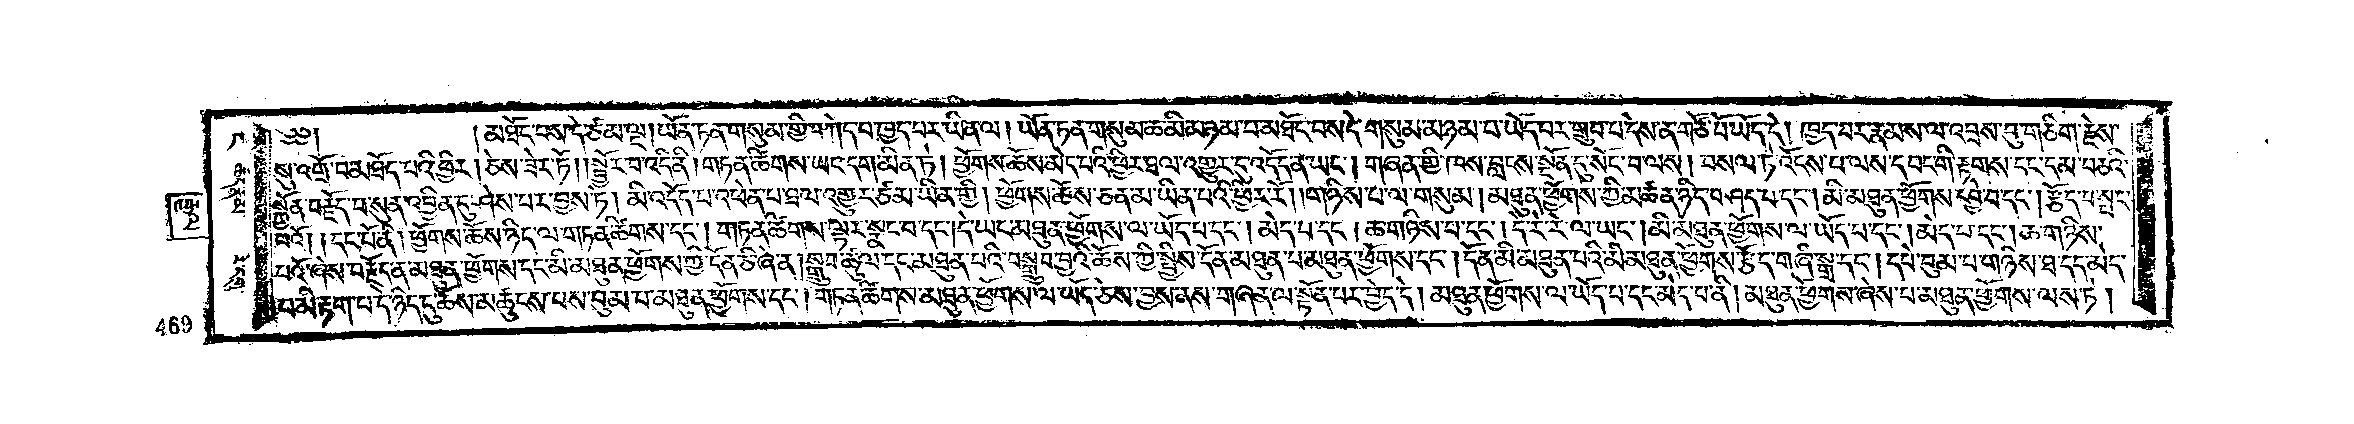༄༅། །མཐོང་བས་དེ་ཙམ་ལྔ། ཡོན་ཏན་གསུམ་གྱི་བཀོད་པ་ཁྱད་པར་ཡིན་ལ། ཡོན་ཏན་གསུམ་ཆ་མི་མཉམ་པ་མཐོང་བསེད་གསུམ་མཉམ་པ་ཡོད་པར་གྲུབ་པ་དེས་ན་གཙོ་བོ་ཡོད་དེ། ཁྱད་པར་རྣམས་ལ་འབྲས་བུ་གཅིག་རྗེས་
སུ་འགྲོ་བ་མཐོད་པའི་ཕྱིར། ཅེས་ཟེར་ཏོ། །སྦྱོར་བ་འདི་ནི། གཏན་ཚིགས་ཡང་དག་མིན་ཏེ། ཕྱོགས་ཆོས་མེད་པའི་ཕྱིར་ཐལ་འགྱུར་དུ་འདོད་ན་ཡང་། གཞན་གྱི་ཁས་བླངས་སྔོན་དུ་སོང་བ་ལས། བསལ་ཏེ་འོངས་པ་ལས་དབང་གི་རྟགས་དང་དམ་བཅའི་
སྐྱོན་བརྗོད་པ་སུན་འབྱིན་དུ་ཤེས་པར་བྱས་ཏེ། མི་འདོད་པ་འཕེན་པ་ཐལ་འགྱུར་ཙམ་ཡིན་གྱི། ཕྱོགས་ཆོས་ཅན་མ་ཡིན་པའི་ཕྱིར་རོ། །གཉིས་པ་ལ་གསུམ། མཐུན་ཕྱོགས་ཀྱི་མཚན་ཉིད་བཤད་པ་དང་། མི་མཐུན་ཕྱོགས་དབྱེ་བ་དང་། རྩོད་པ་སྤང་
བའོ། །དང་པོ་ནི། ཕྱོགས་ཆོས་ཉིད་ལ་གཏན་ཚིགས་དང་། གཏན་ཚིགས་ལྟར་སྣང་བ་དང་། དེ་ཡང་མཐུན་ཕྱོགས་ལ་ཡོད་པ་དང་། མེད་པ་དང་། ཆ་གཉིས་པ་དང་། དེ་རེ་རེ་ལ་ཡང་། མི་མཐུན་ཕྱོགས་ལ་ཡོད་པ་དང་། མེད་པ་དག། ཆ་གཉིས་
པའོ་ཞེས་བརྗོད་ན་མཐུན་ཕྱོགས་དང་མི་མཐུན་ཕྱོགས་ཀྱི་དོན་ཅི་ཞེ་ན། སྒྲུབ་ཚུལ་དང་མཐུན་པའི་བསྒྲུབ་བྱའི་ཆོ་ཀྱི་སྤྱིས་དོན་མཐུན་པ་མཐུན་ཕྱོགས་དང་། དོན་མི་མཐུན་པའི་མི་མཐུན་ཕྱོགས་རྩོད་གཞི་སྒྲ་དང་། དཔེ་བུམ་པ་གཉིས་ཐ་དད་མེད་
པ་མི་རྟག་པ་དེ་ཉིད་དུ་ཆོས་མཚུངས་པས་བུམ་པ་མཐུན་ཕྱོགས་དང་། གཏན་ཚིགས་མཐུན་ཕྱོགས་ལ་ཡོད་ཅེས་བྱས་ནས་གཞན་ལ་སྟོན་པར་བྱེད་དེ། མཐུན་ཕྱོགས་ལ་ཡོད་པ་དང་མེད་པ་ནི། མཐུན་ཕྱོགས་ཞེས་པ་མཐུན་ཕྱོགས་ལས་ཏེ་